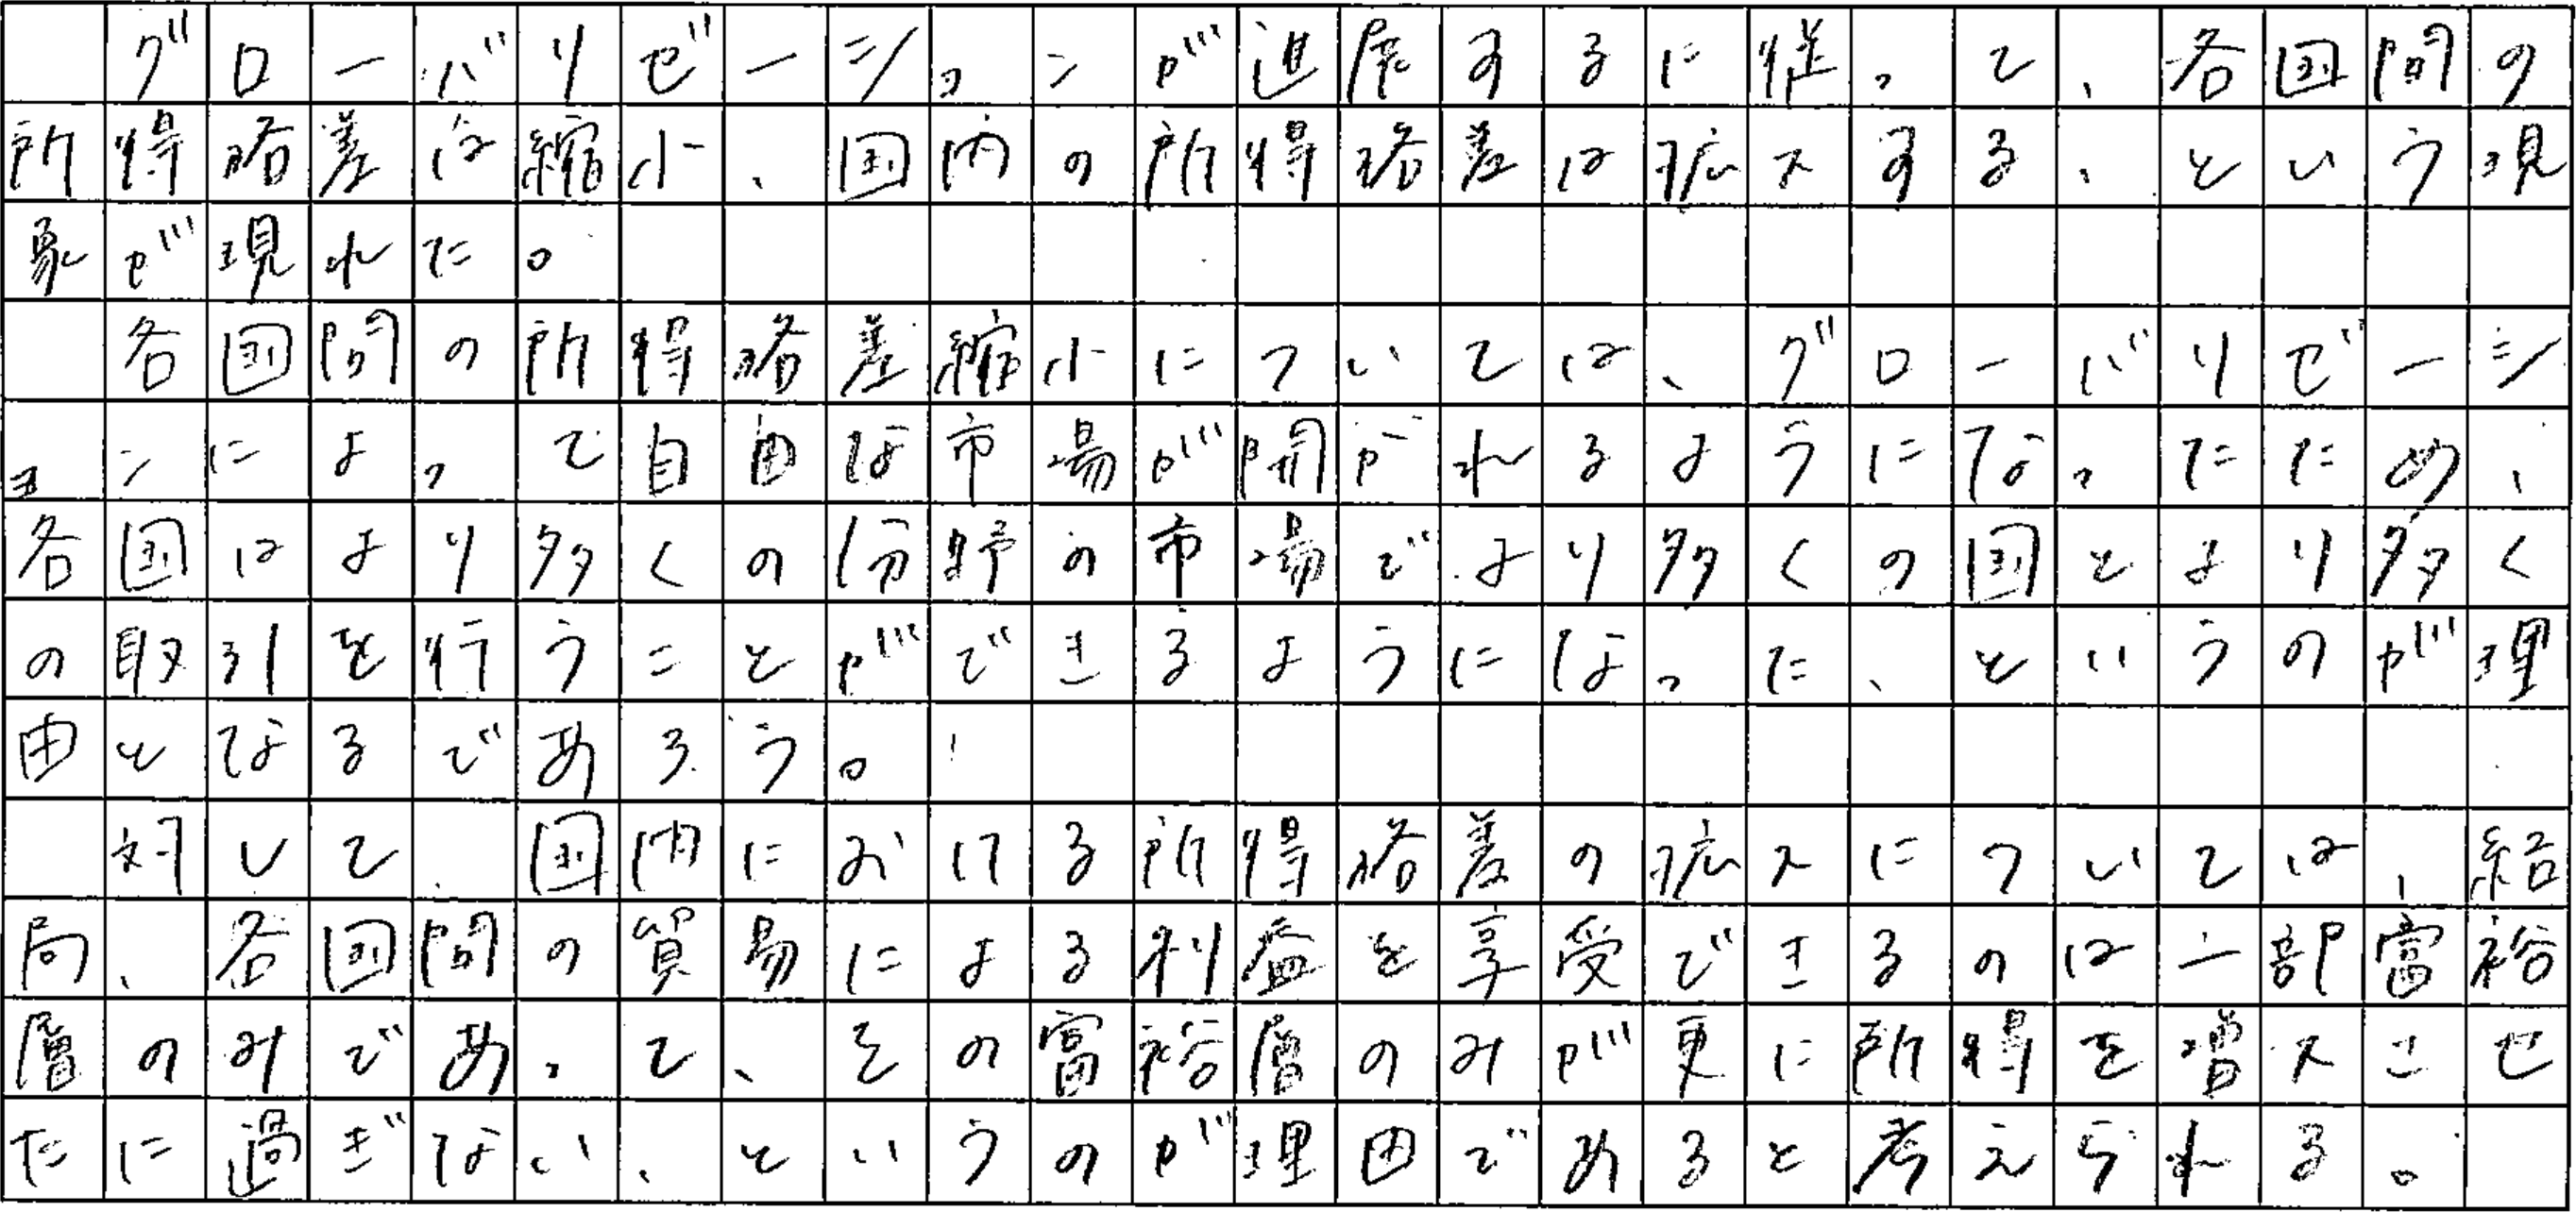　グローバリゼーションが進展するに従って、各国間の所得格差は縮小、国内の所得格差は拡大する、という現象が現れた。
　各国間の所得格差縮小については、グローバリゼーションによって自由な市場が開かれるようになったため、各国はより多くの分野の市場でより多くの国とより多くの取引を行うことができるようになった、というのが理由となるであろう。
　対して、国内における所得格差の拡大については、結局、各国間の貿易による利益を享受できるのは一部富裕層のみであって、その富裕層のみが更に所得を増大させたに過ぎない、というのが理由であると考えられる。
